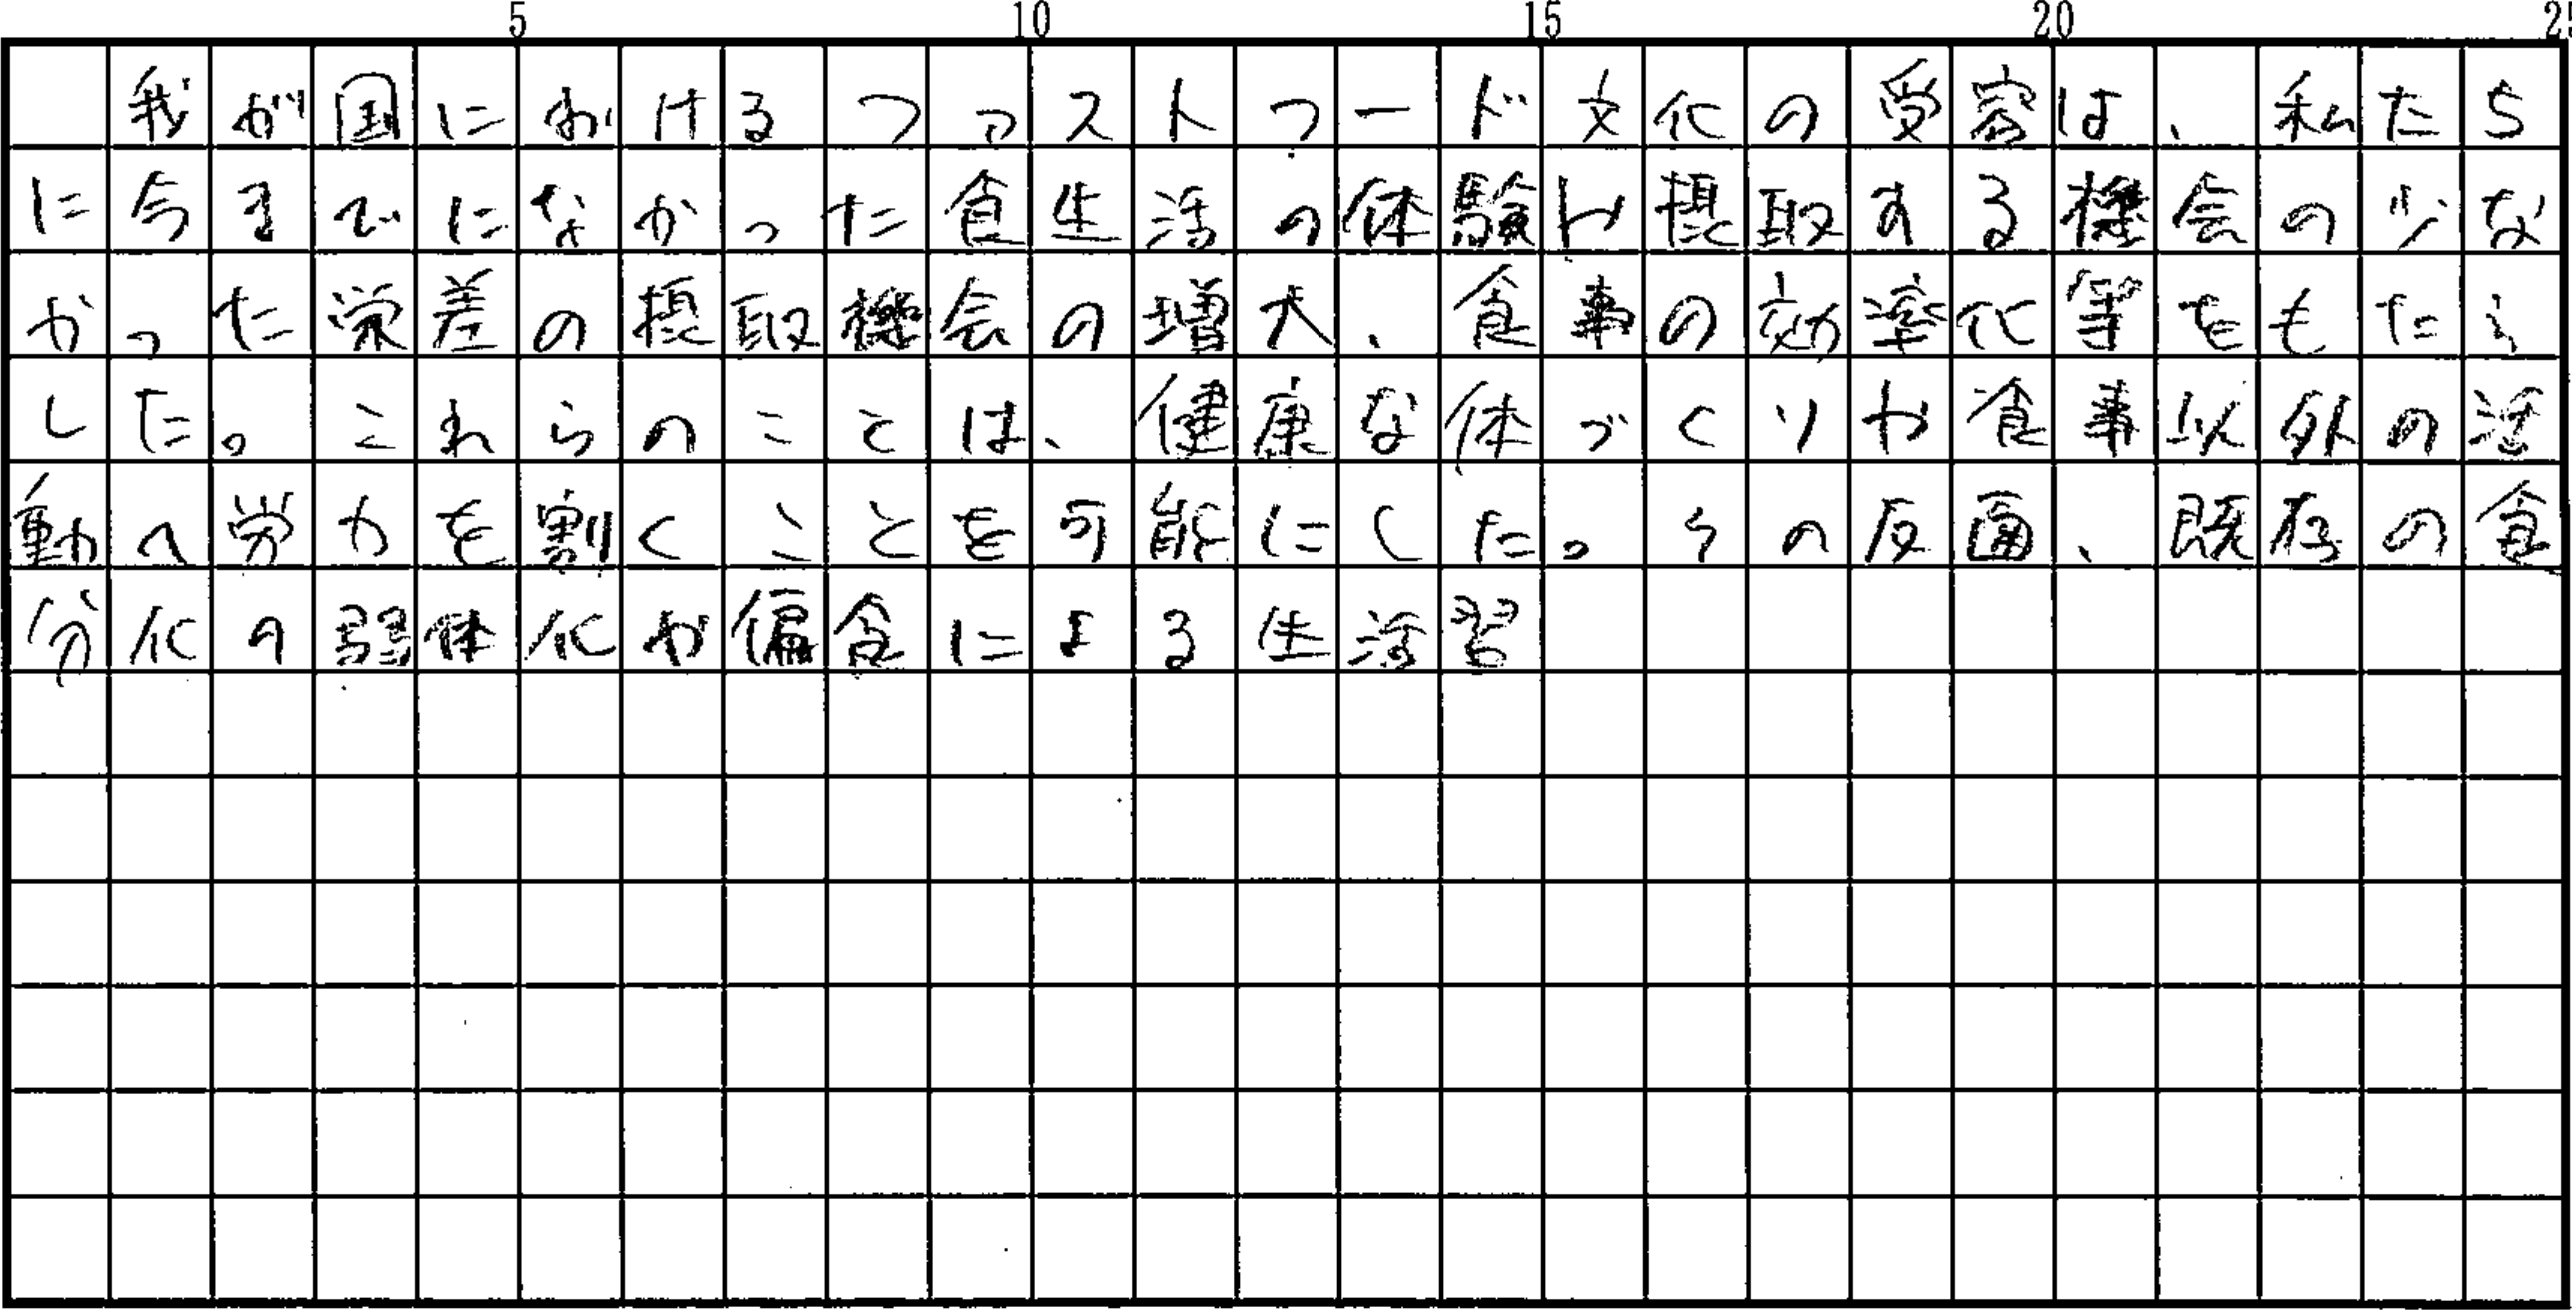　我が国におけるファストフード文化の受容は、私たちに今までになかった食生活の体験や摂取する機会の少なかった栄差の摂取機会の増大、食事の効率化等をもたらした。これらのことは、健康な体づくりや食事以外の活動へ労力を割くことを可能にした。その反面、既存の食分化の弱体化や偏食による生活習
